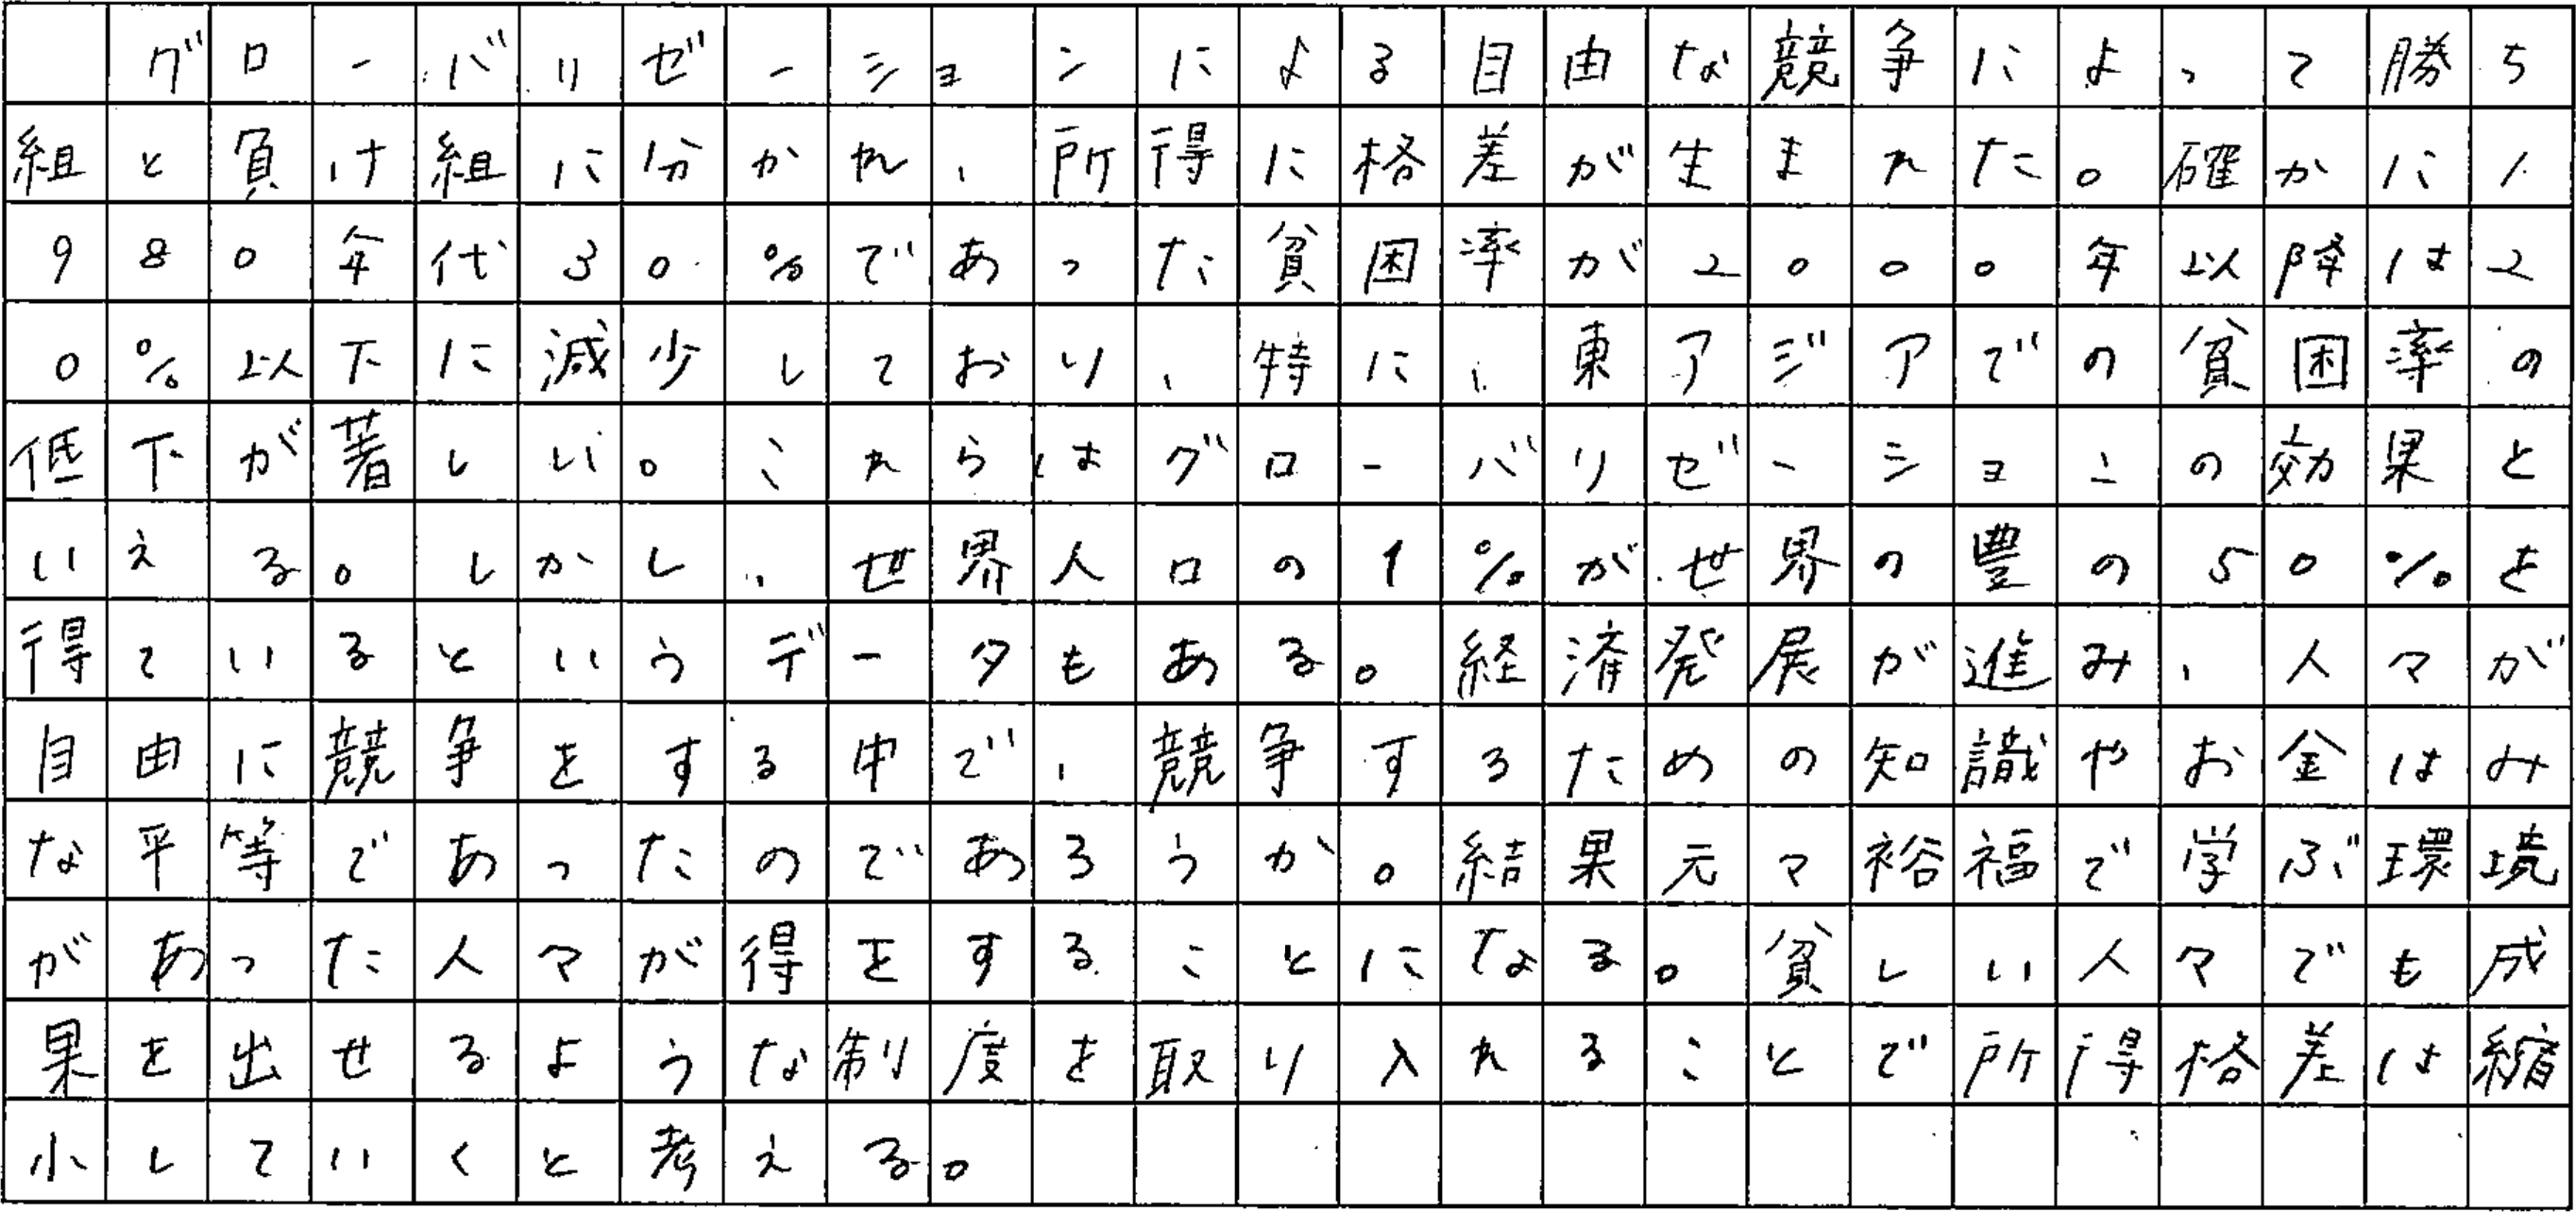　グローバリゼーションによる自由な競争によって勝ち組と負け組に分かれ、所得に格差が生まれた。確かに１９８０年代３０％であった貧困率が２０００年以降は２０％以下に減少しており、特に、東アジアでの貧困率の低下が著しい。これらはグローバリゼーションの効果といる。しかし、世界人口の１％が世界の豊の５０％を得ているというデータもある。経済発展が進み、人々が自由に競争をする中で、競争するための知識やお金はみな平等であったのであろうか。結果元々裕福で学ぶ環境があった人々が得をすることになる。貧しい人々でも成果を出せるような制度を取り入れることで所得格差は縮小していくと考える。
